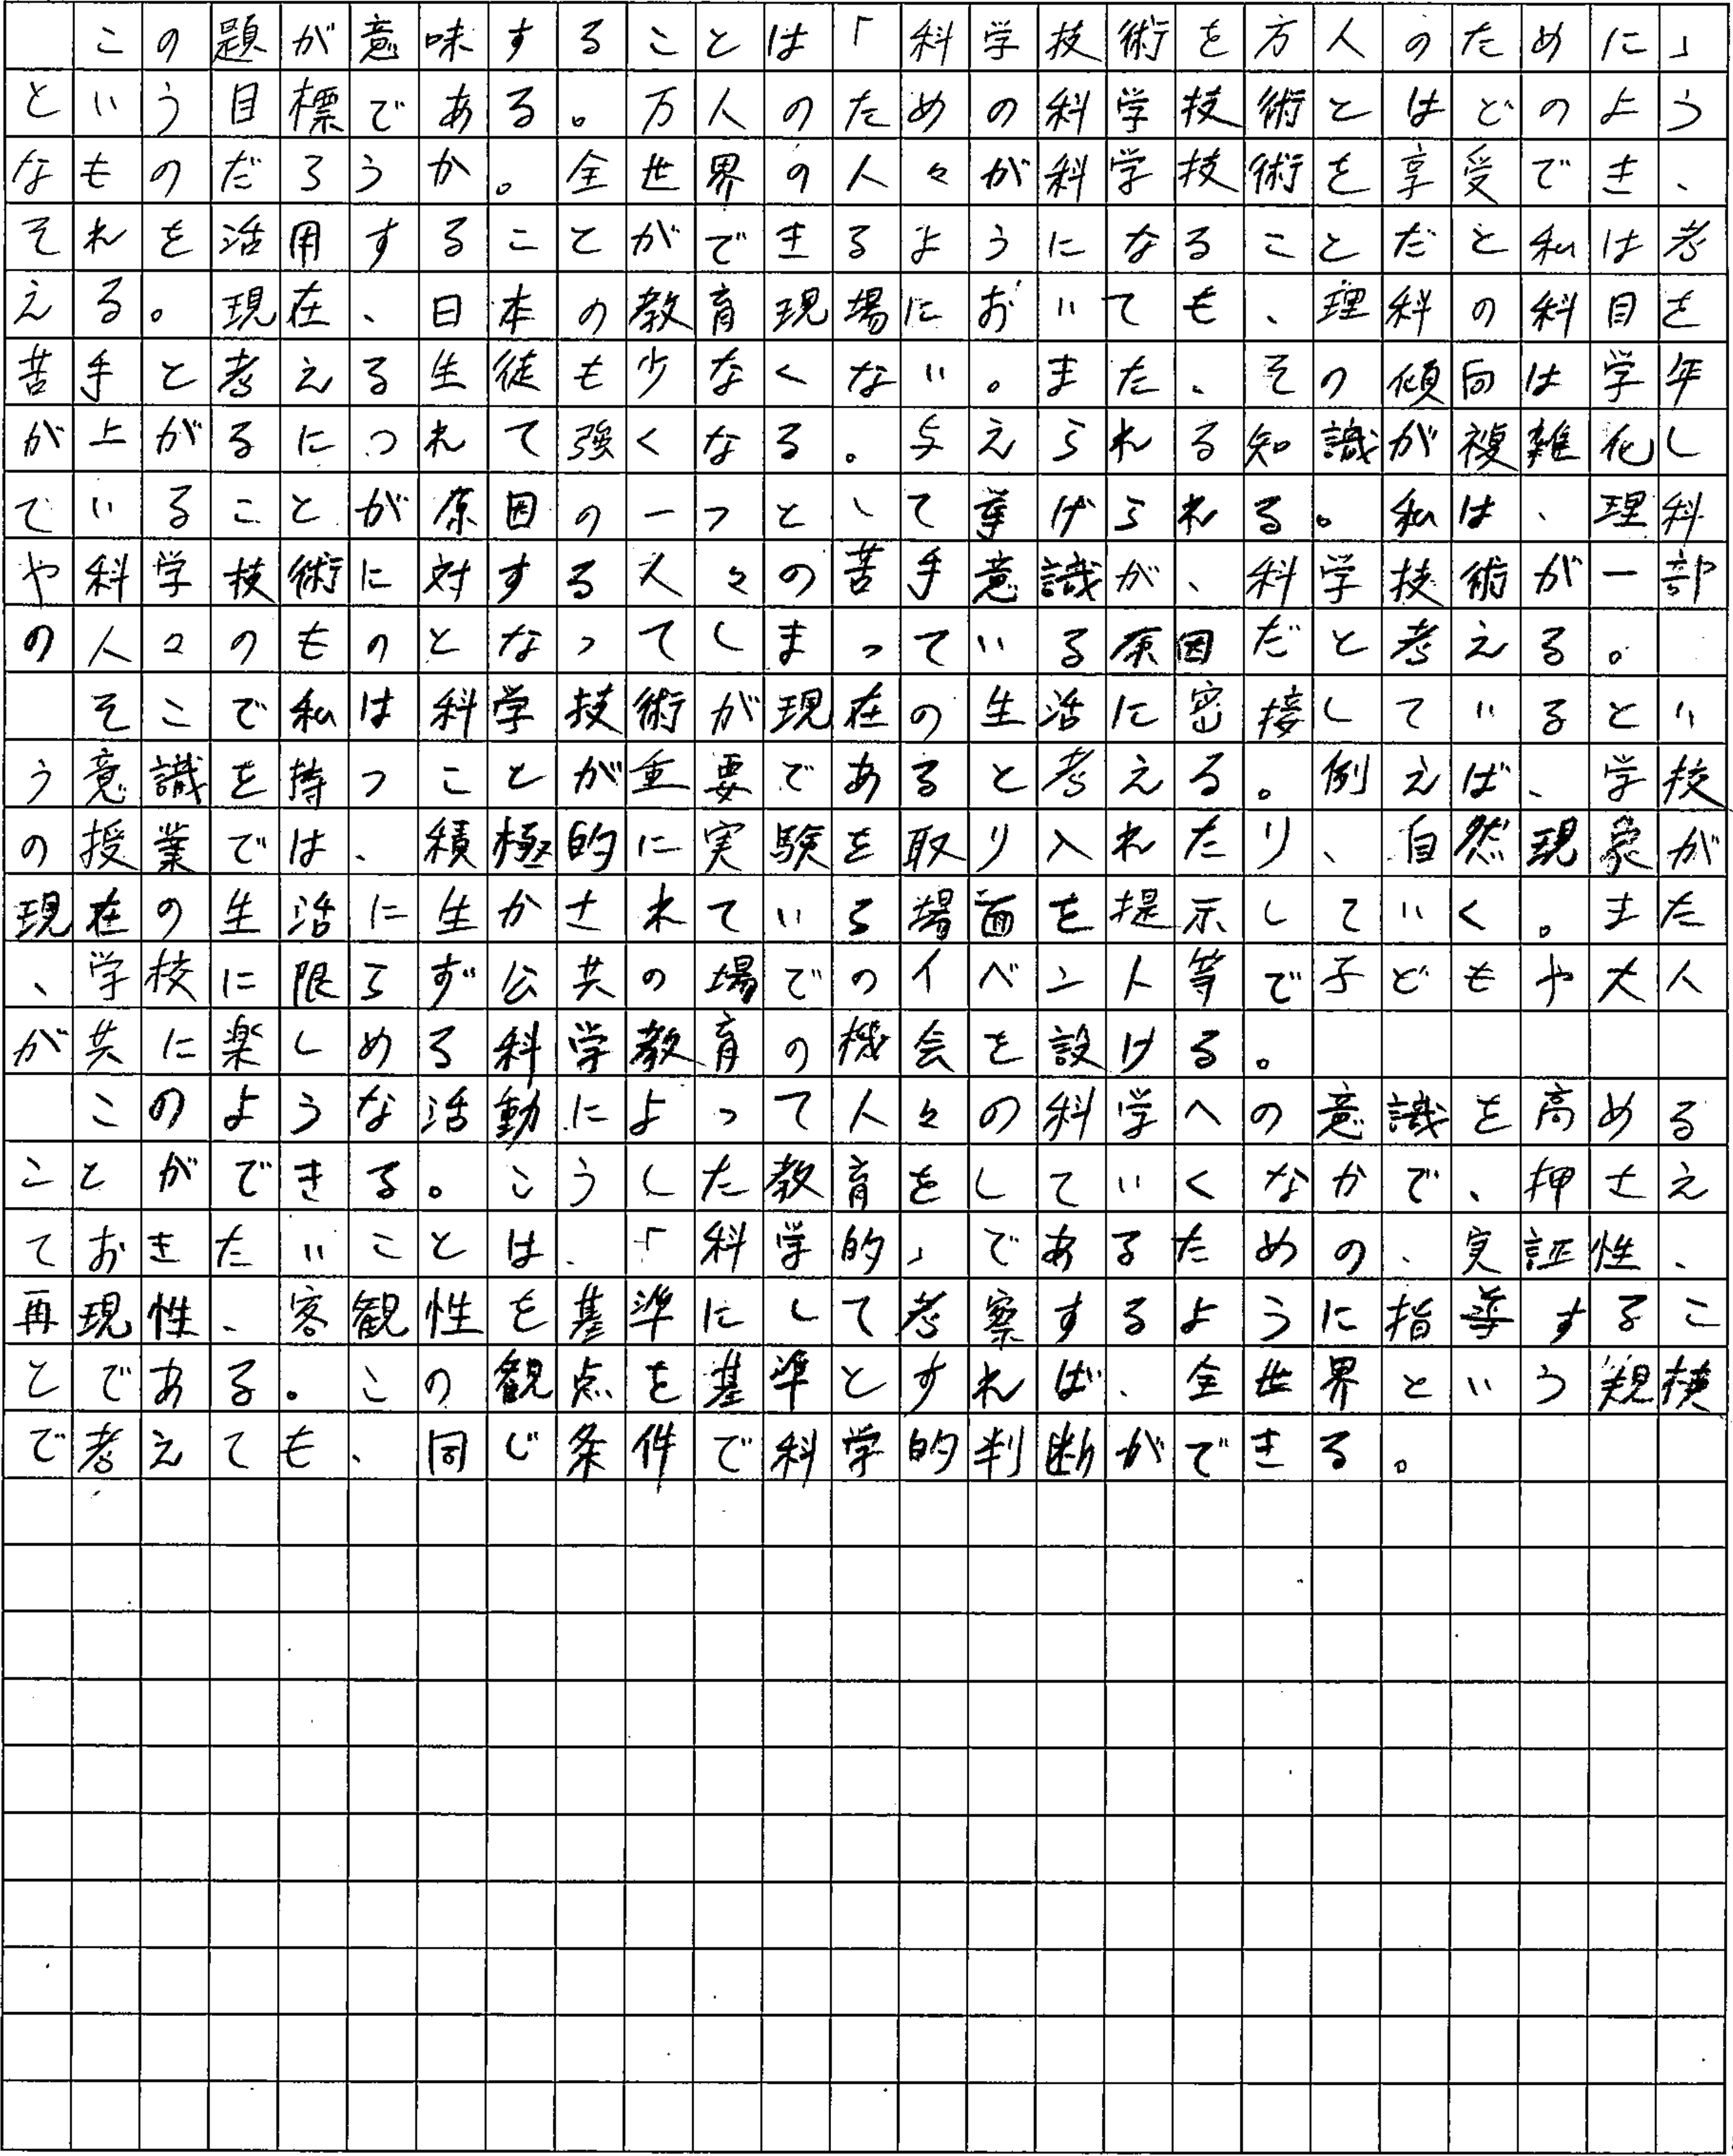　この題が意味することは「科学技術を万人のために」という目標である。万人のための科学技術とはどのようなものだろうか。全世界の人々が科学技術を享受でき、それを活用することができるようになることだと私は考える。現在、日本の教育現場においても、理科の科目を苦手と考える生徒も少なくない。また、その傾向は学年が上がるにつれて強くなる。与えられる知識が複雑化していることが原因の一つとして挙げられる、私は、理科や科学技術に対する人々の苦手意識が、科学技術が一部の人々のものとなってしまっている原因だと考える。
　そこで私は科学技術が現在の生活に密接しているという意識を持つことが重要であると考える。例えば、学校の授業では、積極的に実験を取り入れたり、自然現象が現在の生活に生かされている場面を提示していく。また、学校に限らず公共の場でのイベント等で子どもや大人が共に楽しめる科学教育の機会を設ける。
　このような活動によって人々の科学への意識を高めることができる。こうした教育をしていくなかで、押さえておきたいことは、「科学的」であるための、実証性、再現性、客観性を基準にして考察するように指導することである。この観点を基準とすれば、全世界という規模で考えても、同じ条件で科学的判断ができる。
